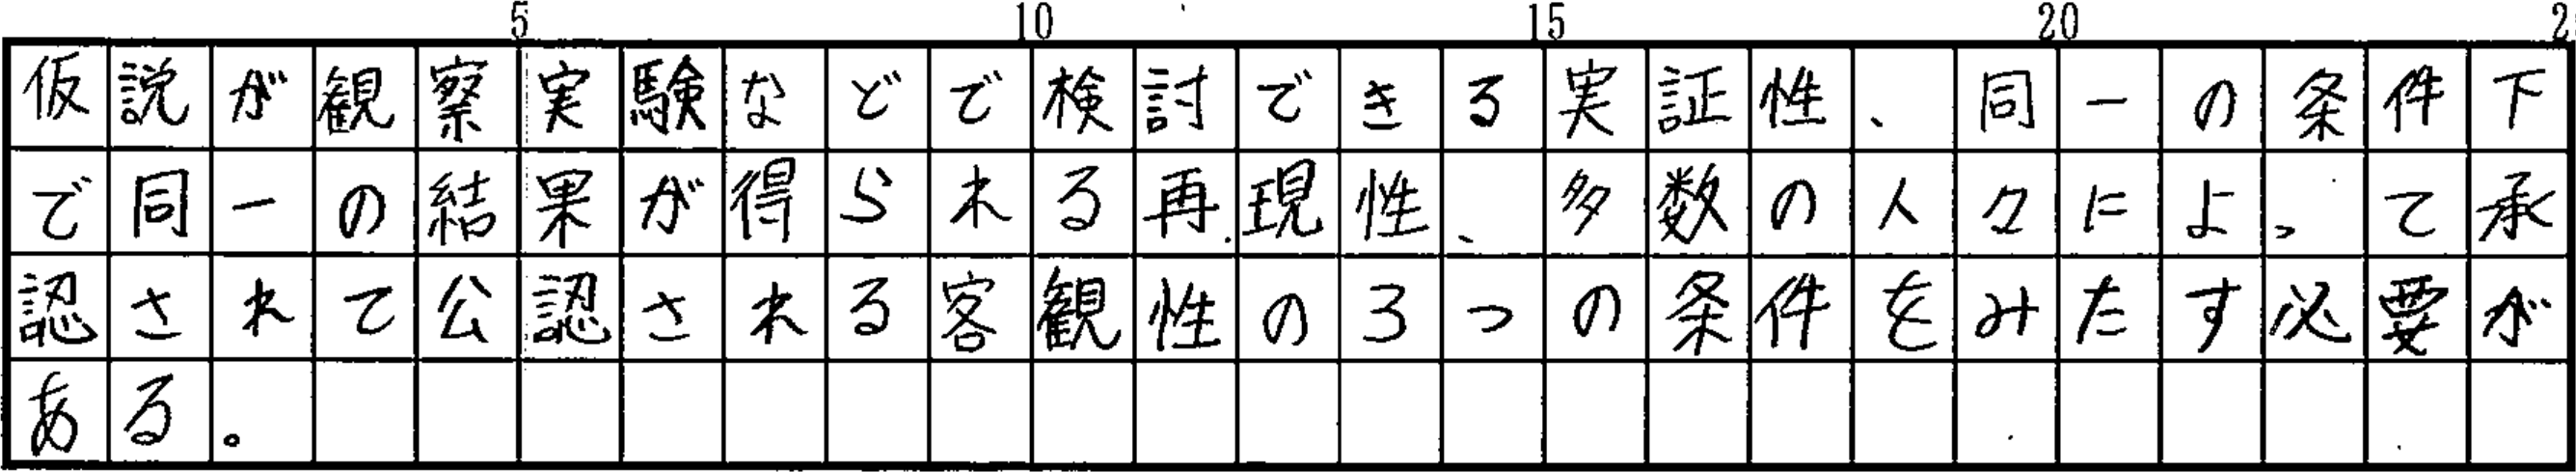仮説が観察実験などで検討できる実証性、同一の条件下で同一の結果が得られる再現性、多数の人々によって承認されて公認される客観性の３つの条件をみたす必要がある。
